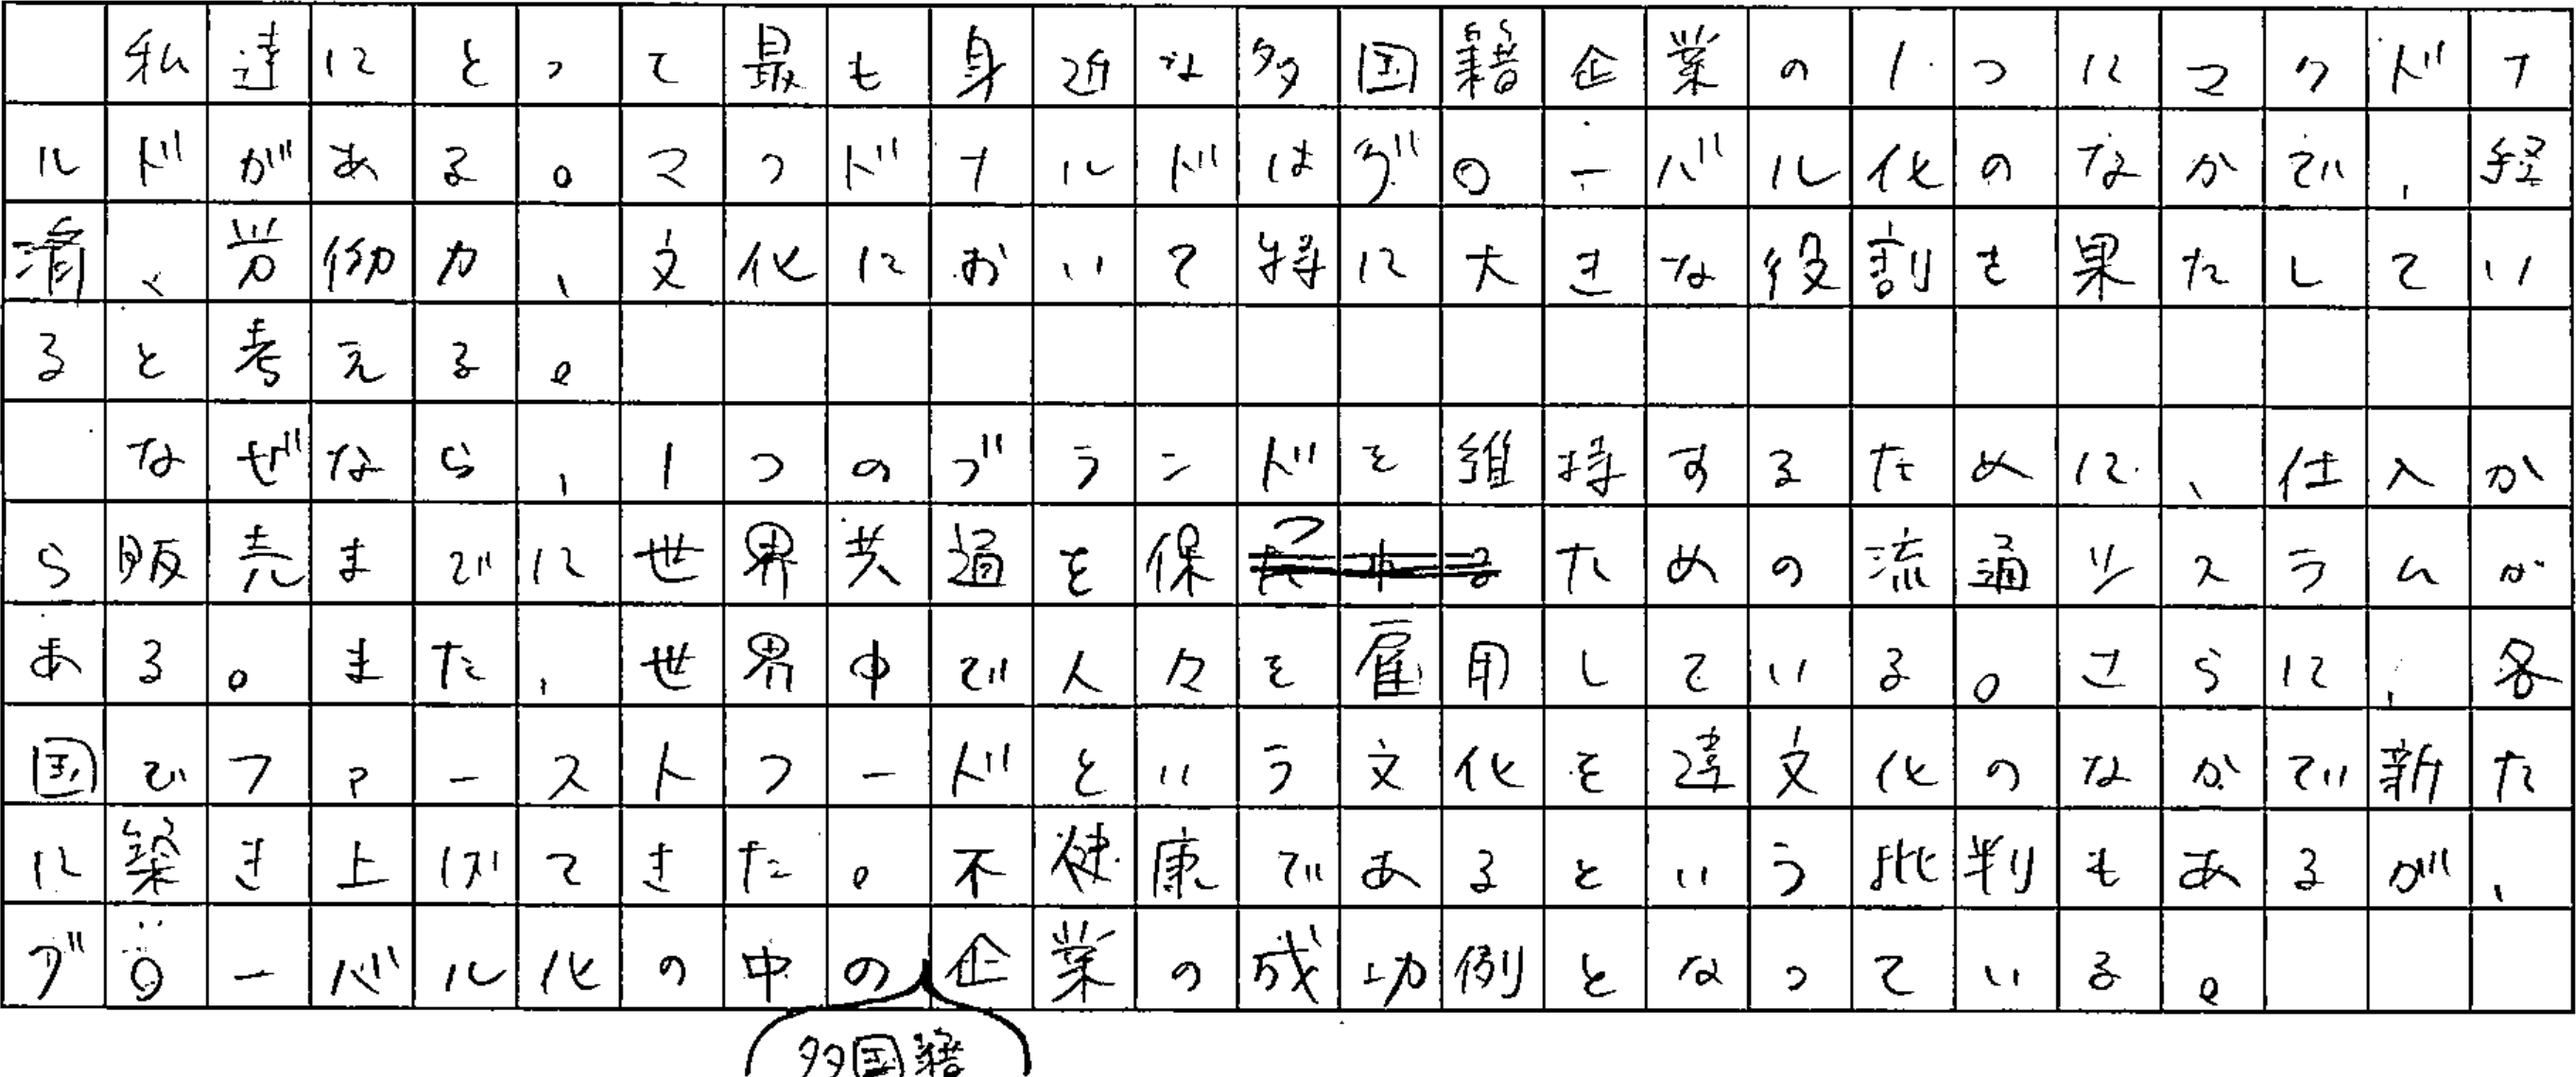　私達にとって最も身近な多国籍企業の１つにマクドナルドがある。マクドナルドはグローバル化のなかで、経済、▁働力、文化において特に大きな役割を果たしていると考える。
　なぜなら、１つのブランドを維持するために、仕入から販売までに世界共通を保つための流通システムがある。また、世界中で人々を雇用している。さらに、各国でファーストフードという文化を違文化のなかで新たに築き上げてきた。不健康であるという批判もあるが、グローバル化の中の多国籍企業の成功例となっている。
